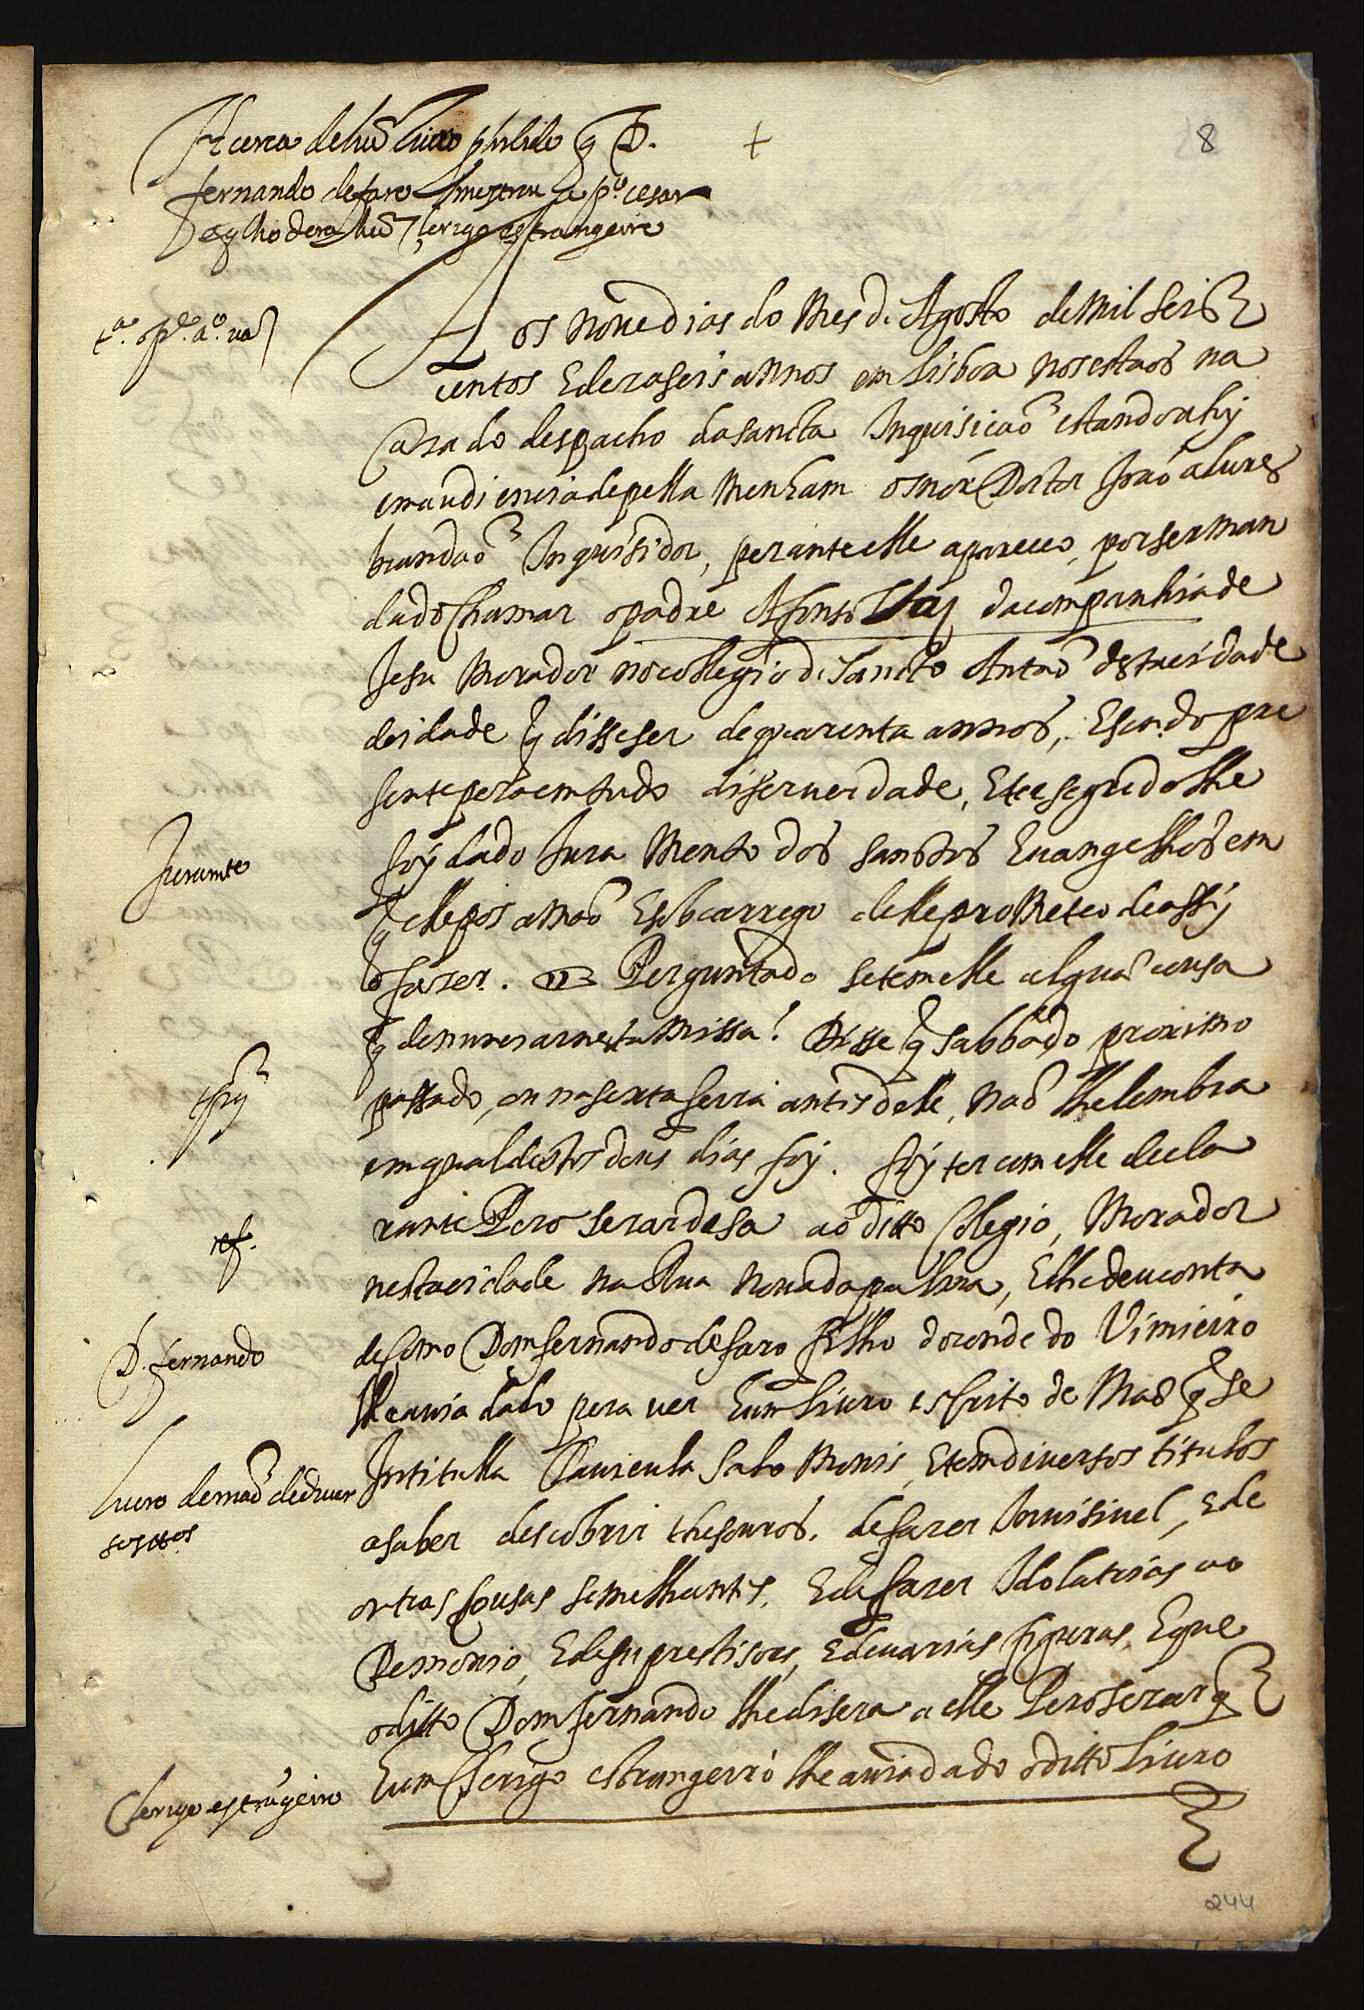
Acerca de hū liuro ꝓhibido q̄ D.
fernando de faro mostrou a p.o cesar
e q̄ lho dera hū Clerigo estrangeiro
ta. o p.e a.o uaz
Aos noue dias do Mes de Agosto de mil seis
centos E dezaseis annos em Lisboa nos estaos na
Caza do despacho da sancta Inquisiçaõ estando ahy
em audiencia de pella menham o snor̄ Doctor Joaõ alures
brandaõ Inquisidor, perante elle apareceo, por ser man
dado Chamar o padre Afonso Vaz da companhia de
Jesu morador no collegio de Sancto Antaõ desta cidade
de idade q̄ disse ser de quarenta annos, E sendo pre
sente pera em tudo diser uerdade, E ter segredo lhe
foy dado Juramento dos sanctos Euangelhos em
Juramto
q̄ elle pos a maõ E sob carrego delle prometeo de assy
o fazer. ⁋ Perguntado se tem elle alguā cousa
q̄ denunciar nesta missa? Disse q̄ sabbado proximo
passado, ou na sexta feira antes dele, naõ lhe lembra
tpꝯ̄
em qual destes dous dias foy . foy ter com elle decla
rante Pero Sezar de Sa ao ditto Colegio, Morador
ref.
nesta cidade na Rua noua da palma, E lhe deu conta
de Como Dom fernando de faro filho do conde do Vimieiro
D. fernando
lhe auia dado pera uer hum liuro esCrito de Maõ q̄ se
Jntitulla Clauicula SaLoMonis, E tem diuersos titulos
Liuro de maõ de diuer
sos tt.os
a saber descobrir thesouros, de fazer Inuisiuel, E de
outras Cousas semelhantes, E de fazer Idolatrias ao
Demonio, E de suprestisoes, E de uarias figuras, E que
o ditto Dom fernando lhe disera a elle Pero Sezar q̄
hum Clerigo estrangeiro lhe auia dado o ditto Liuro
Clerigo estrāgeiro
